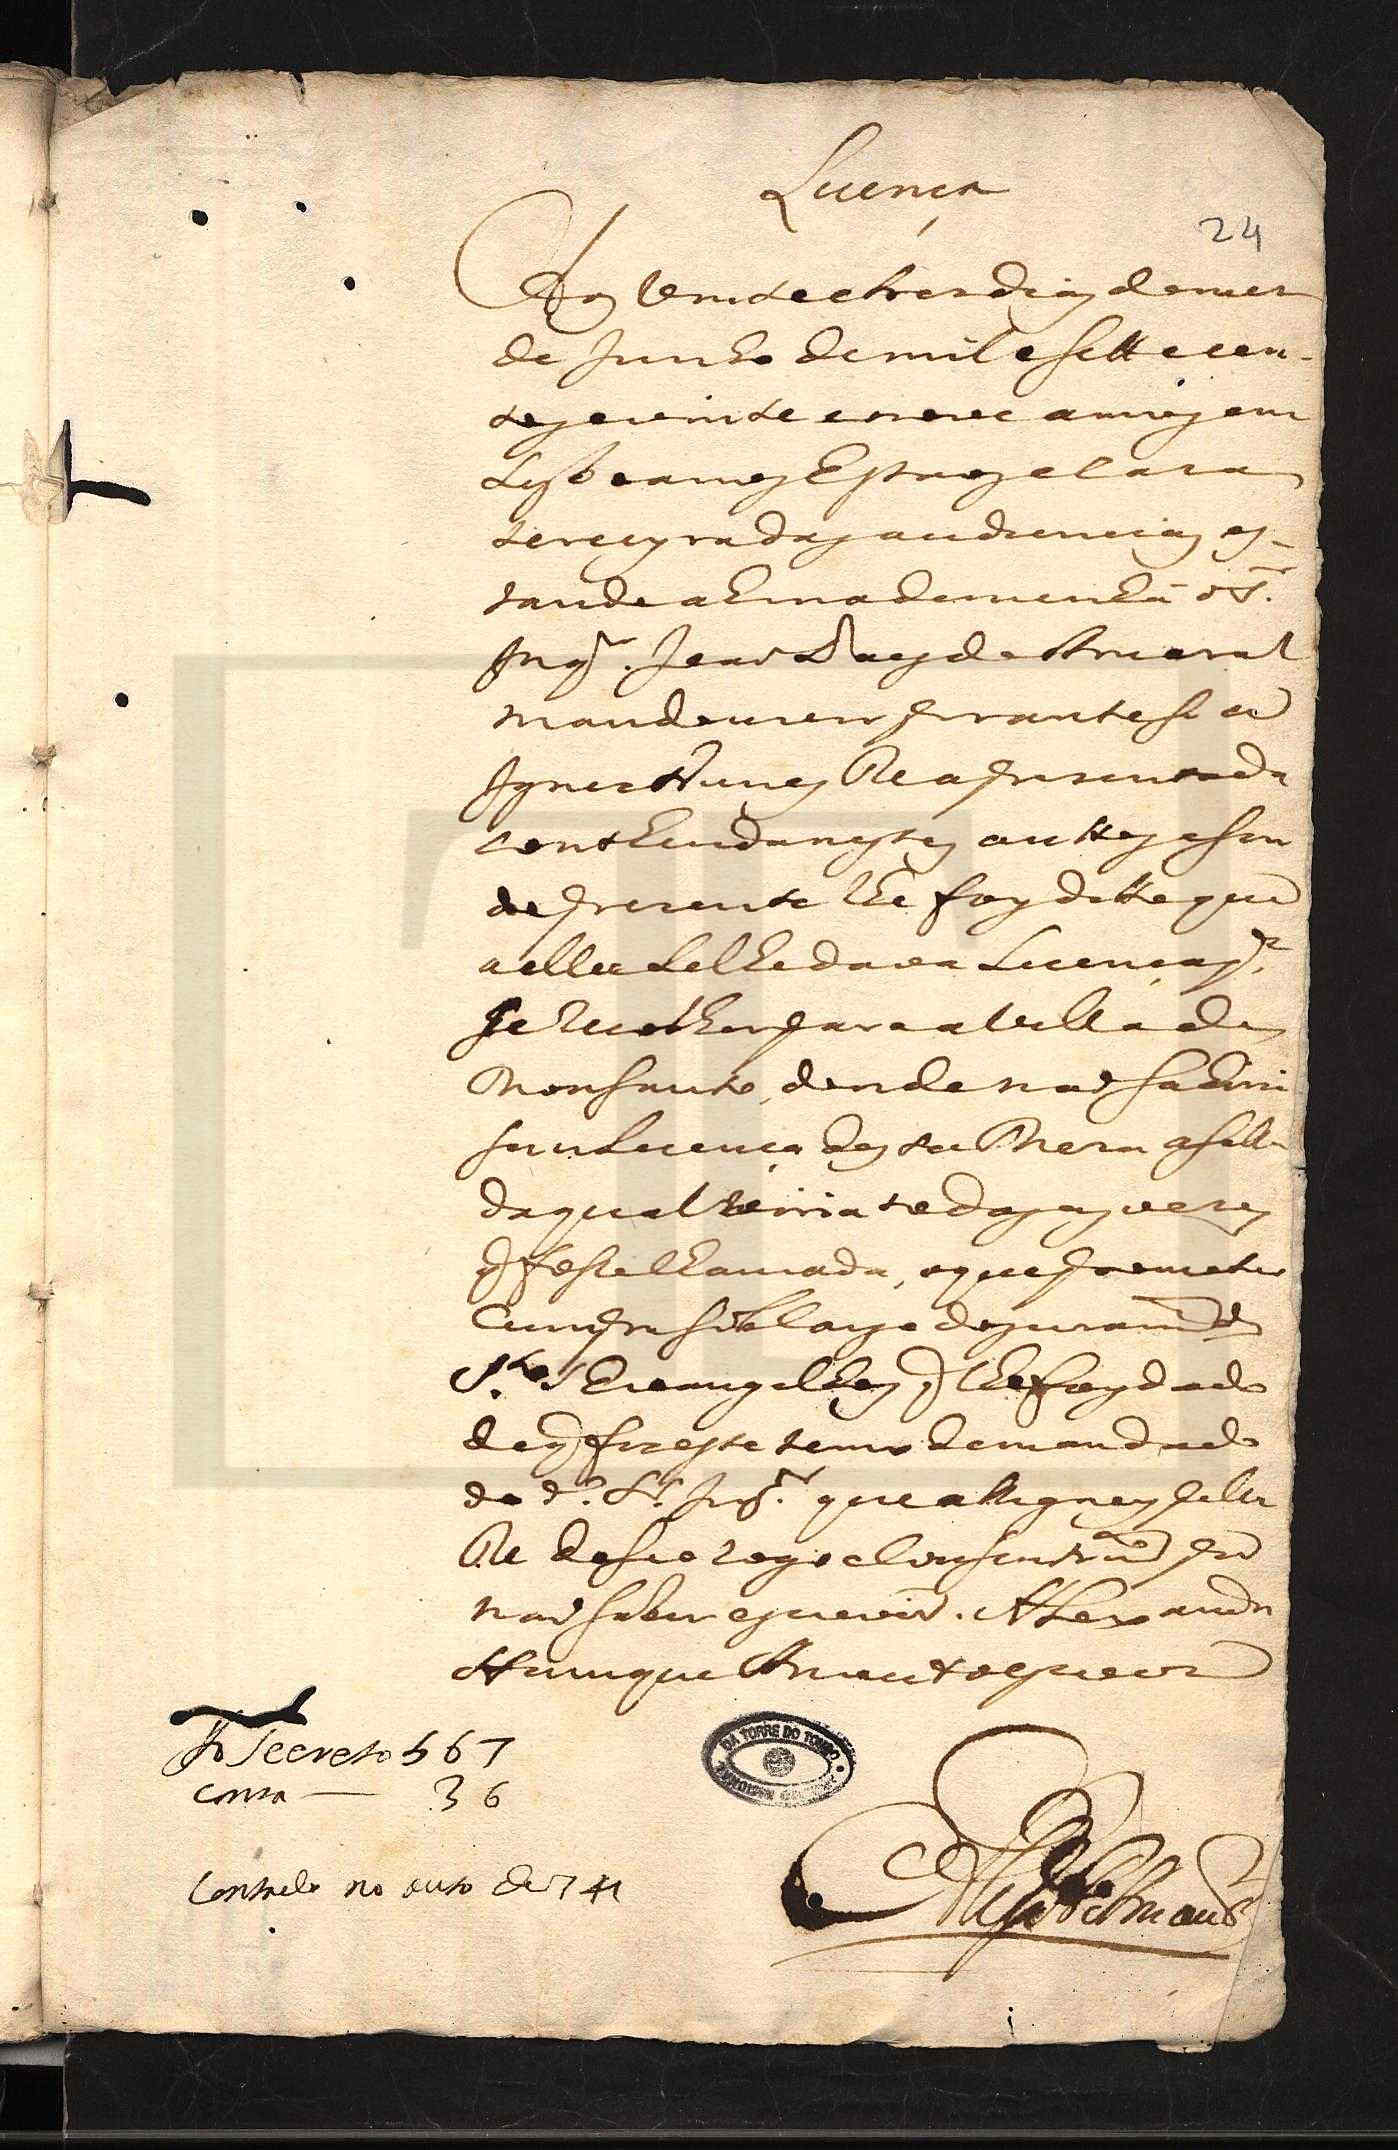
Licença
Aos vinte e trez dias do mez
de Junho de mil e settecen
tos e vinte e nove annos em
Lisboa nos Estaos e Caza
terceyra das audiencias es
tando ahi na de menhã o S.or
Jnqr. Joaõ Paes do Amaral
mandou vir perante si a
Jgnez Nunes Re aprezentada
contheuda nestes auttos e sen
do prezente lhe foy dito que
a ella se lhe dava Licença p.r
se Recolher para a villa de
Monsanto, donde naõ sahiria
sem lecença desta Meza a falla
da qual tem a todas as vezes
q̄ fosse chamada o que prometeo
Cumprir sob Cargo do juramt do
S.tos Evangelhos q̄ lhe foy dado
de q̄ fiz este termo de mandado
do d.o S.r Jnq.or que assigney pella
Re de seo Rogo e Consentimto por
naõ saber escrever. Alexandre
Henrique Arnaut o escrevi
do Secreto 567
conta - 36
Contado no auto de 741
